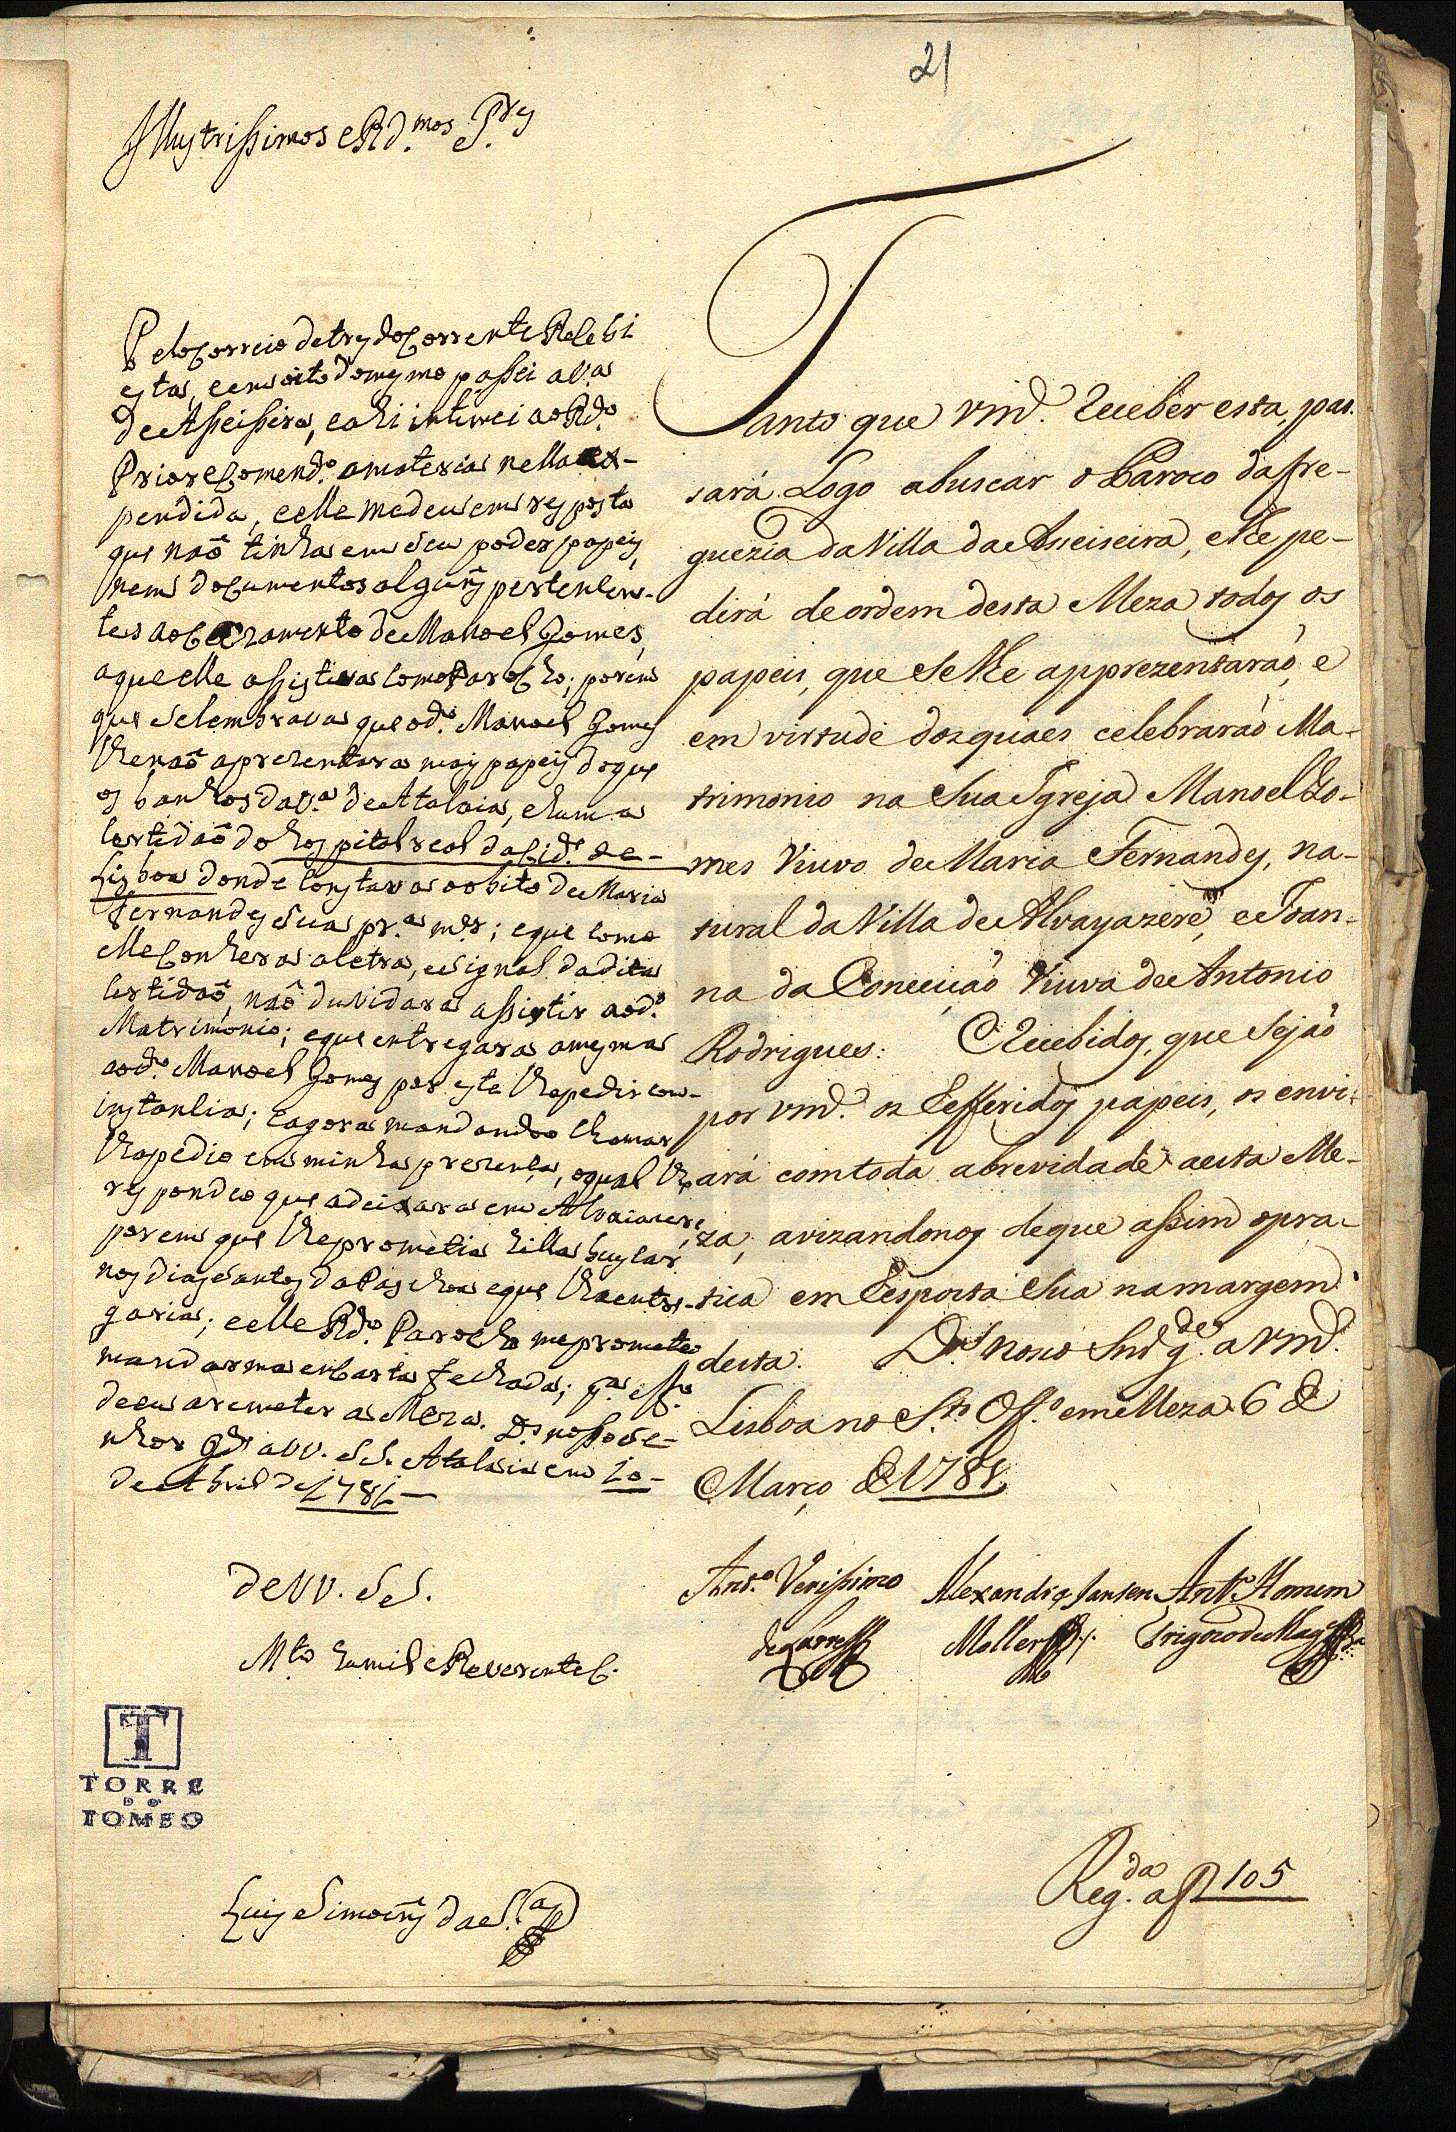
Jllustrissimos e Rd.mos S.res
Pelo Correio de tres do Corrente ReCebi
esta, e em oito do mesmo passei a V.a
de Asseisseira, e ahi intimei ao R.do
Prior e Comend.o a materia nella ex
pendida, e elle me deu em resposta
que naõ tinha em seu poder papeis
nem documentos algun̄s pertencen
tes ao Cazamento de Manoel Gomes
a que elle assistira como Parocho; porem
que se lembrava que o d.o Manoel Gomes
lhe naõ aprezentara mais papeis do que
os banhos da V.a de Atalaia, e huma
certidaõ do hospital real da Cid.e de
Lisboa donde constava o obito de Maria
Fernandes sua pr.a m.er; e que como
elle Conhera a letra, e signal da dita
certidaõ naõ duvidara assistir ao d.o
Matrimonio; e que entregara a mesma
ao d.o Manoel Gomes por este lhe pedir com
instanCia; e agora mandandoo chamar
lho pedio com minha prezença, o qual lhe
respondeo que a deixara em Alvaiazere
porem que lhe prometia hilla buscar
nos dias santos da Paschoa e que lha entre
garia; e elle Rd.o Parocho me prometeu
mandarma en Carta fechada; p.a eff.o
de eu a remeter a Meza. D.s nosso se
nhor g.de a VV. SS. Atalaia em i0
de Abril de i78i
de VV. S.S
Mto humil e Reverente C.
Luis Simoen̄s da S.a
Tanto que v m.e Receber esta, pas.
sará Logo a buscar o Paroco da fre
guezia da Villa da Asseiseira, e lhe pe
dirá de ordem desta Meza todos os
papeis, que se lhe apprezentaraõ, e
em virtude dos quaes celebraraõ Ma
trimonio na Sua Igreja Manoel Go
mes Viuvo de Maria Fernandes, na
tural da Villa de Alvayazere, e Ioan
na da Conceiçaõ Viuva de Antonio
Rodrigues: E Recebidos, que sejaõ
por vm.e os Refferidos papeis, os envi
ará com toda a brevidade a esta Me
za, avizandonos de que assim o pra
tica em Resposta Sua na margem
desta. D.s nosso Snr̄ g.de a v m.e
Lisboa no S.to Off.o em Meza 6 d̄
Março d̄ 1781
